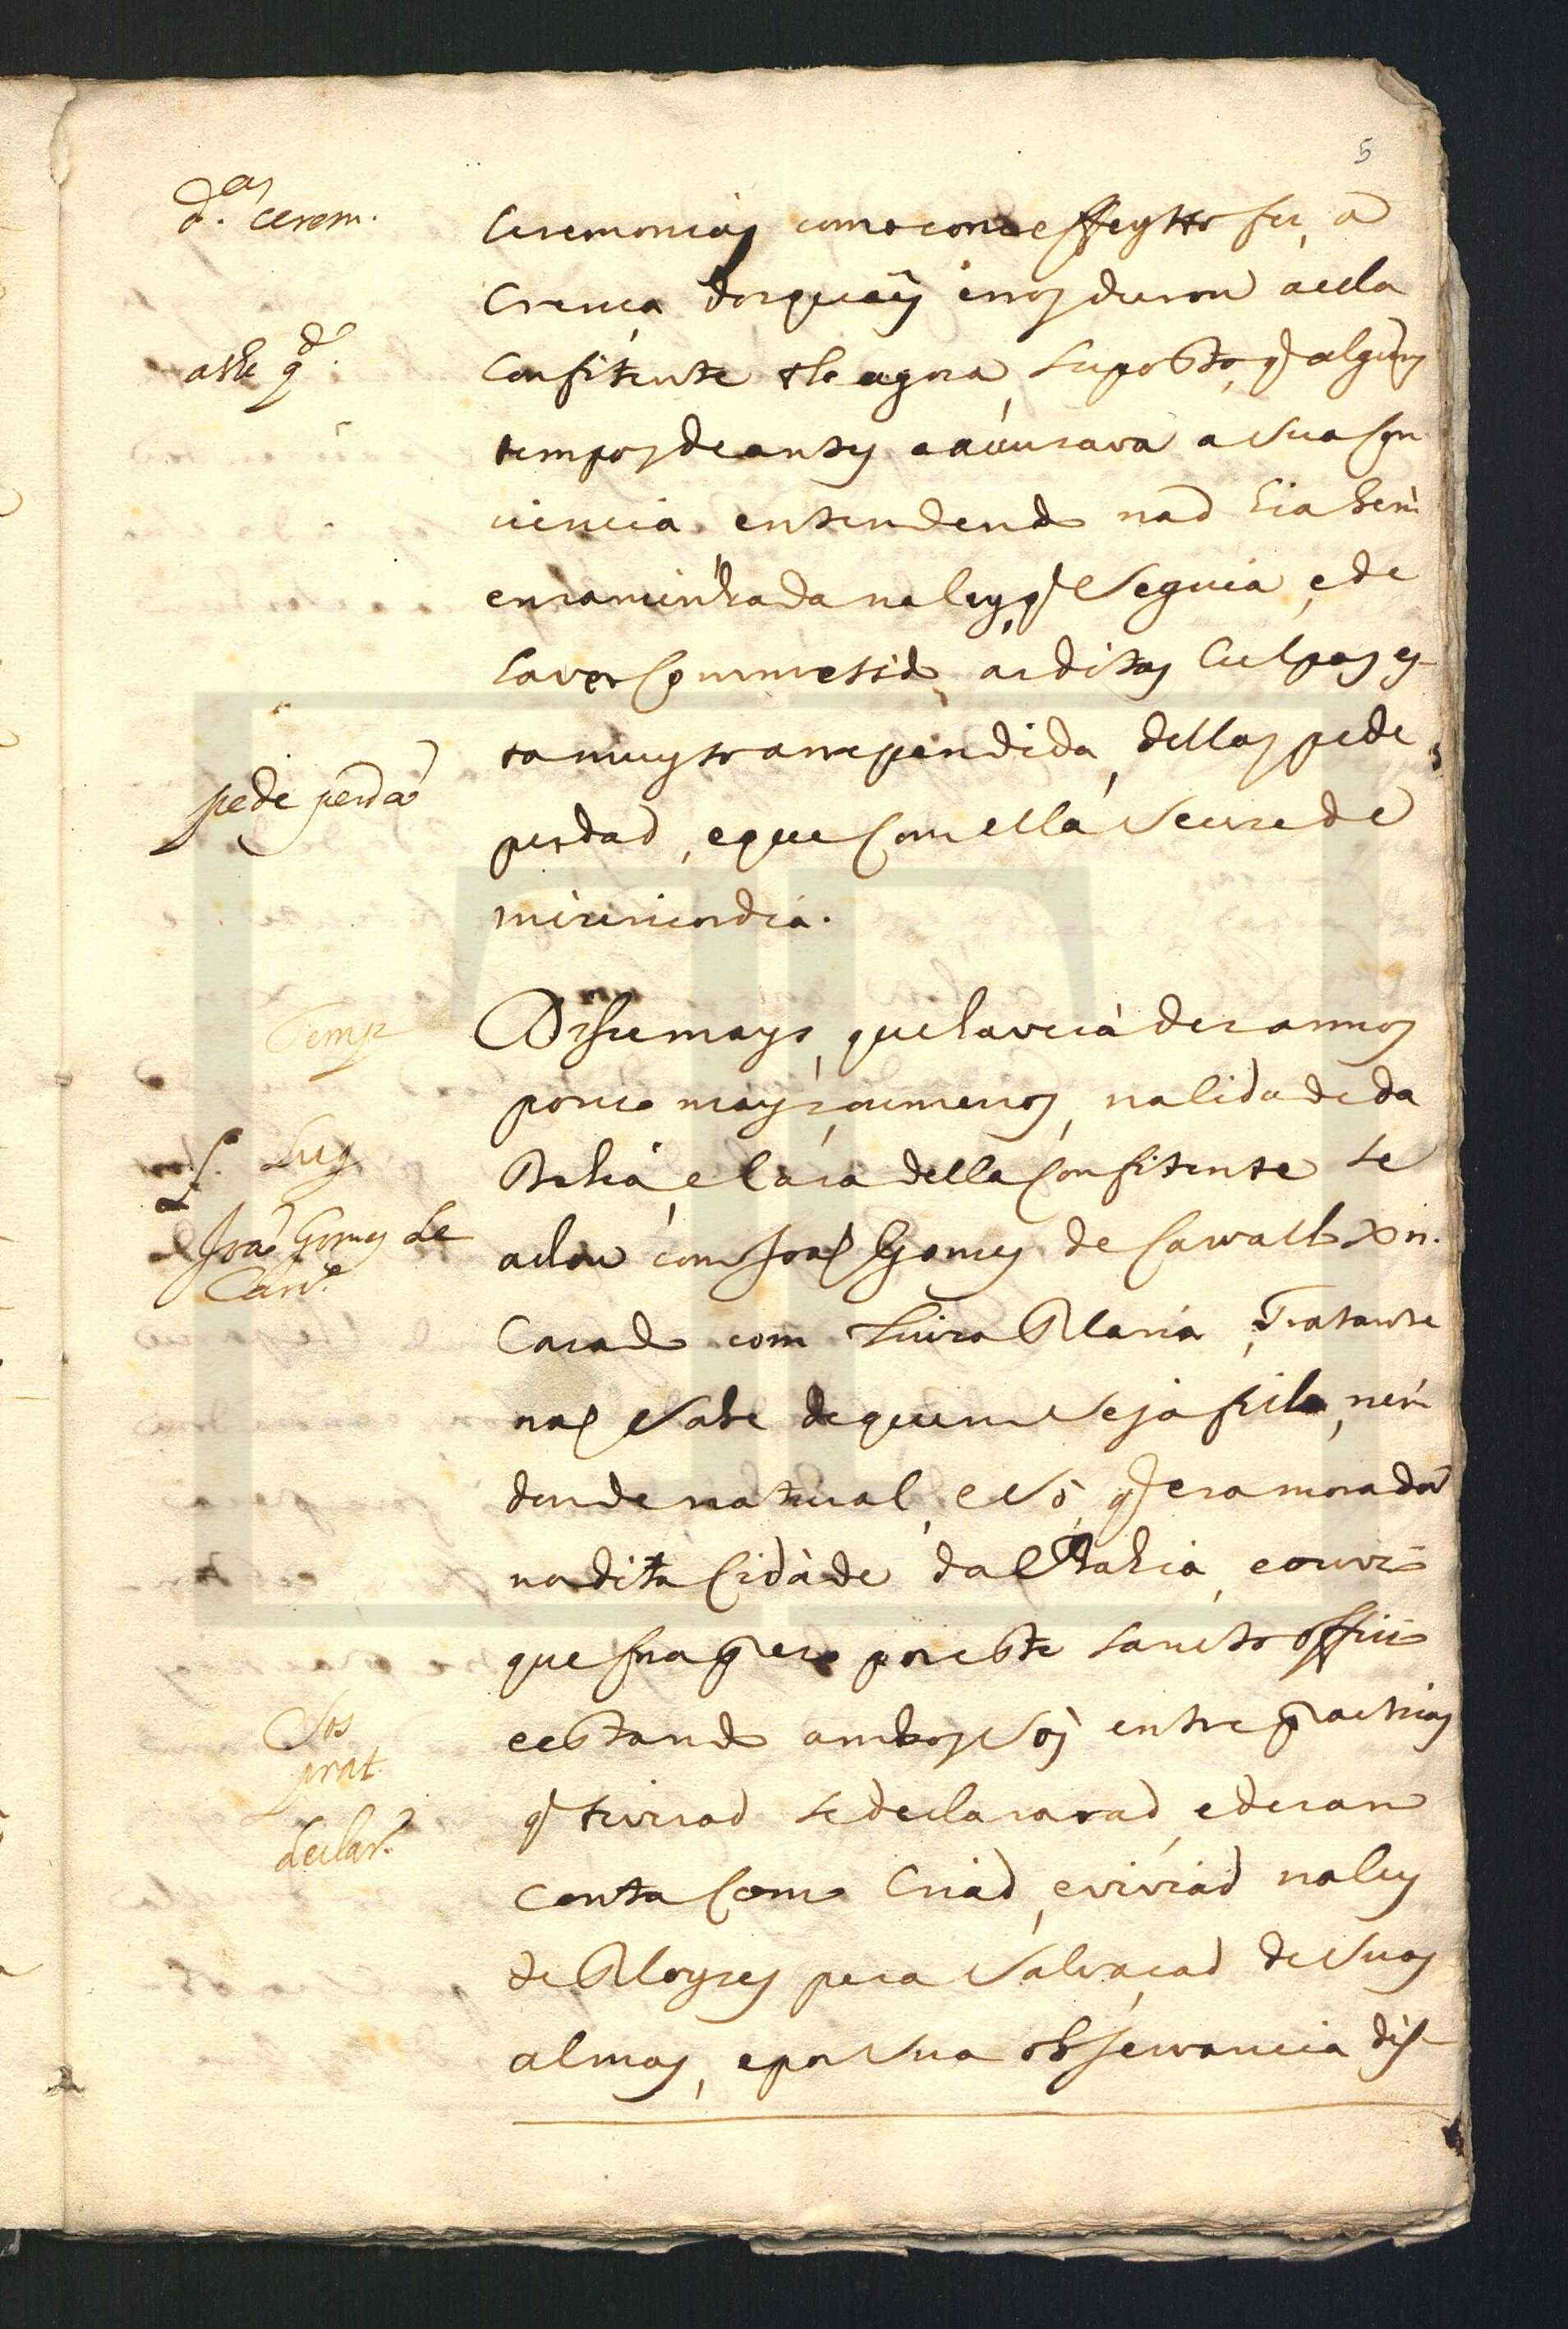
d.as cerem.
athe q.do
pede perdaõ
Temp
L. Lug
Joaõ Gomes de
Carv.o
Sos
prat.
declar.
ceremonias como com effeytto fez, a
crença dos quaês erros durou a ella
confitente the agora, suposto, q̄ alguns
tempos de antes a accuzava a sua Con
ciencia, entendendo naõ hia bem
encaminhada na ley, q̄ seguia, e de
haver Commetido, as ditas Culpas es
ta muyto arrependida, dellas pede
perdaõ, e que Com ella se uze de
mizericordia.
Disse mays, que haverá dez annos
pouco mays, ou menos, na cidade da
Bahia, e Caza della Confitente se
achou com Joaõ Gomes de Carvalho x n.
Cazado com Luiza Maria, Tratante
naõ sabe de quem seja filho, nem
donde natural, e só, q̄ era morador
na dita Cidade da Bahia, e ouvio
que fora prezo por este sancto officio
e estando ambos sós entre praticas
q̄ tiveraõ se declararaõ, e deran
conta Como criaõ, e viviaõ na ley
de Moyzes pera salvaçaõ de suas
almas, e por sua observancia dis
